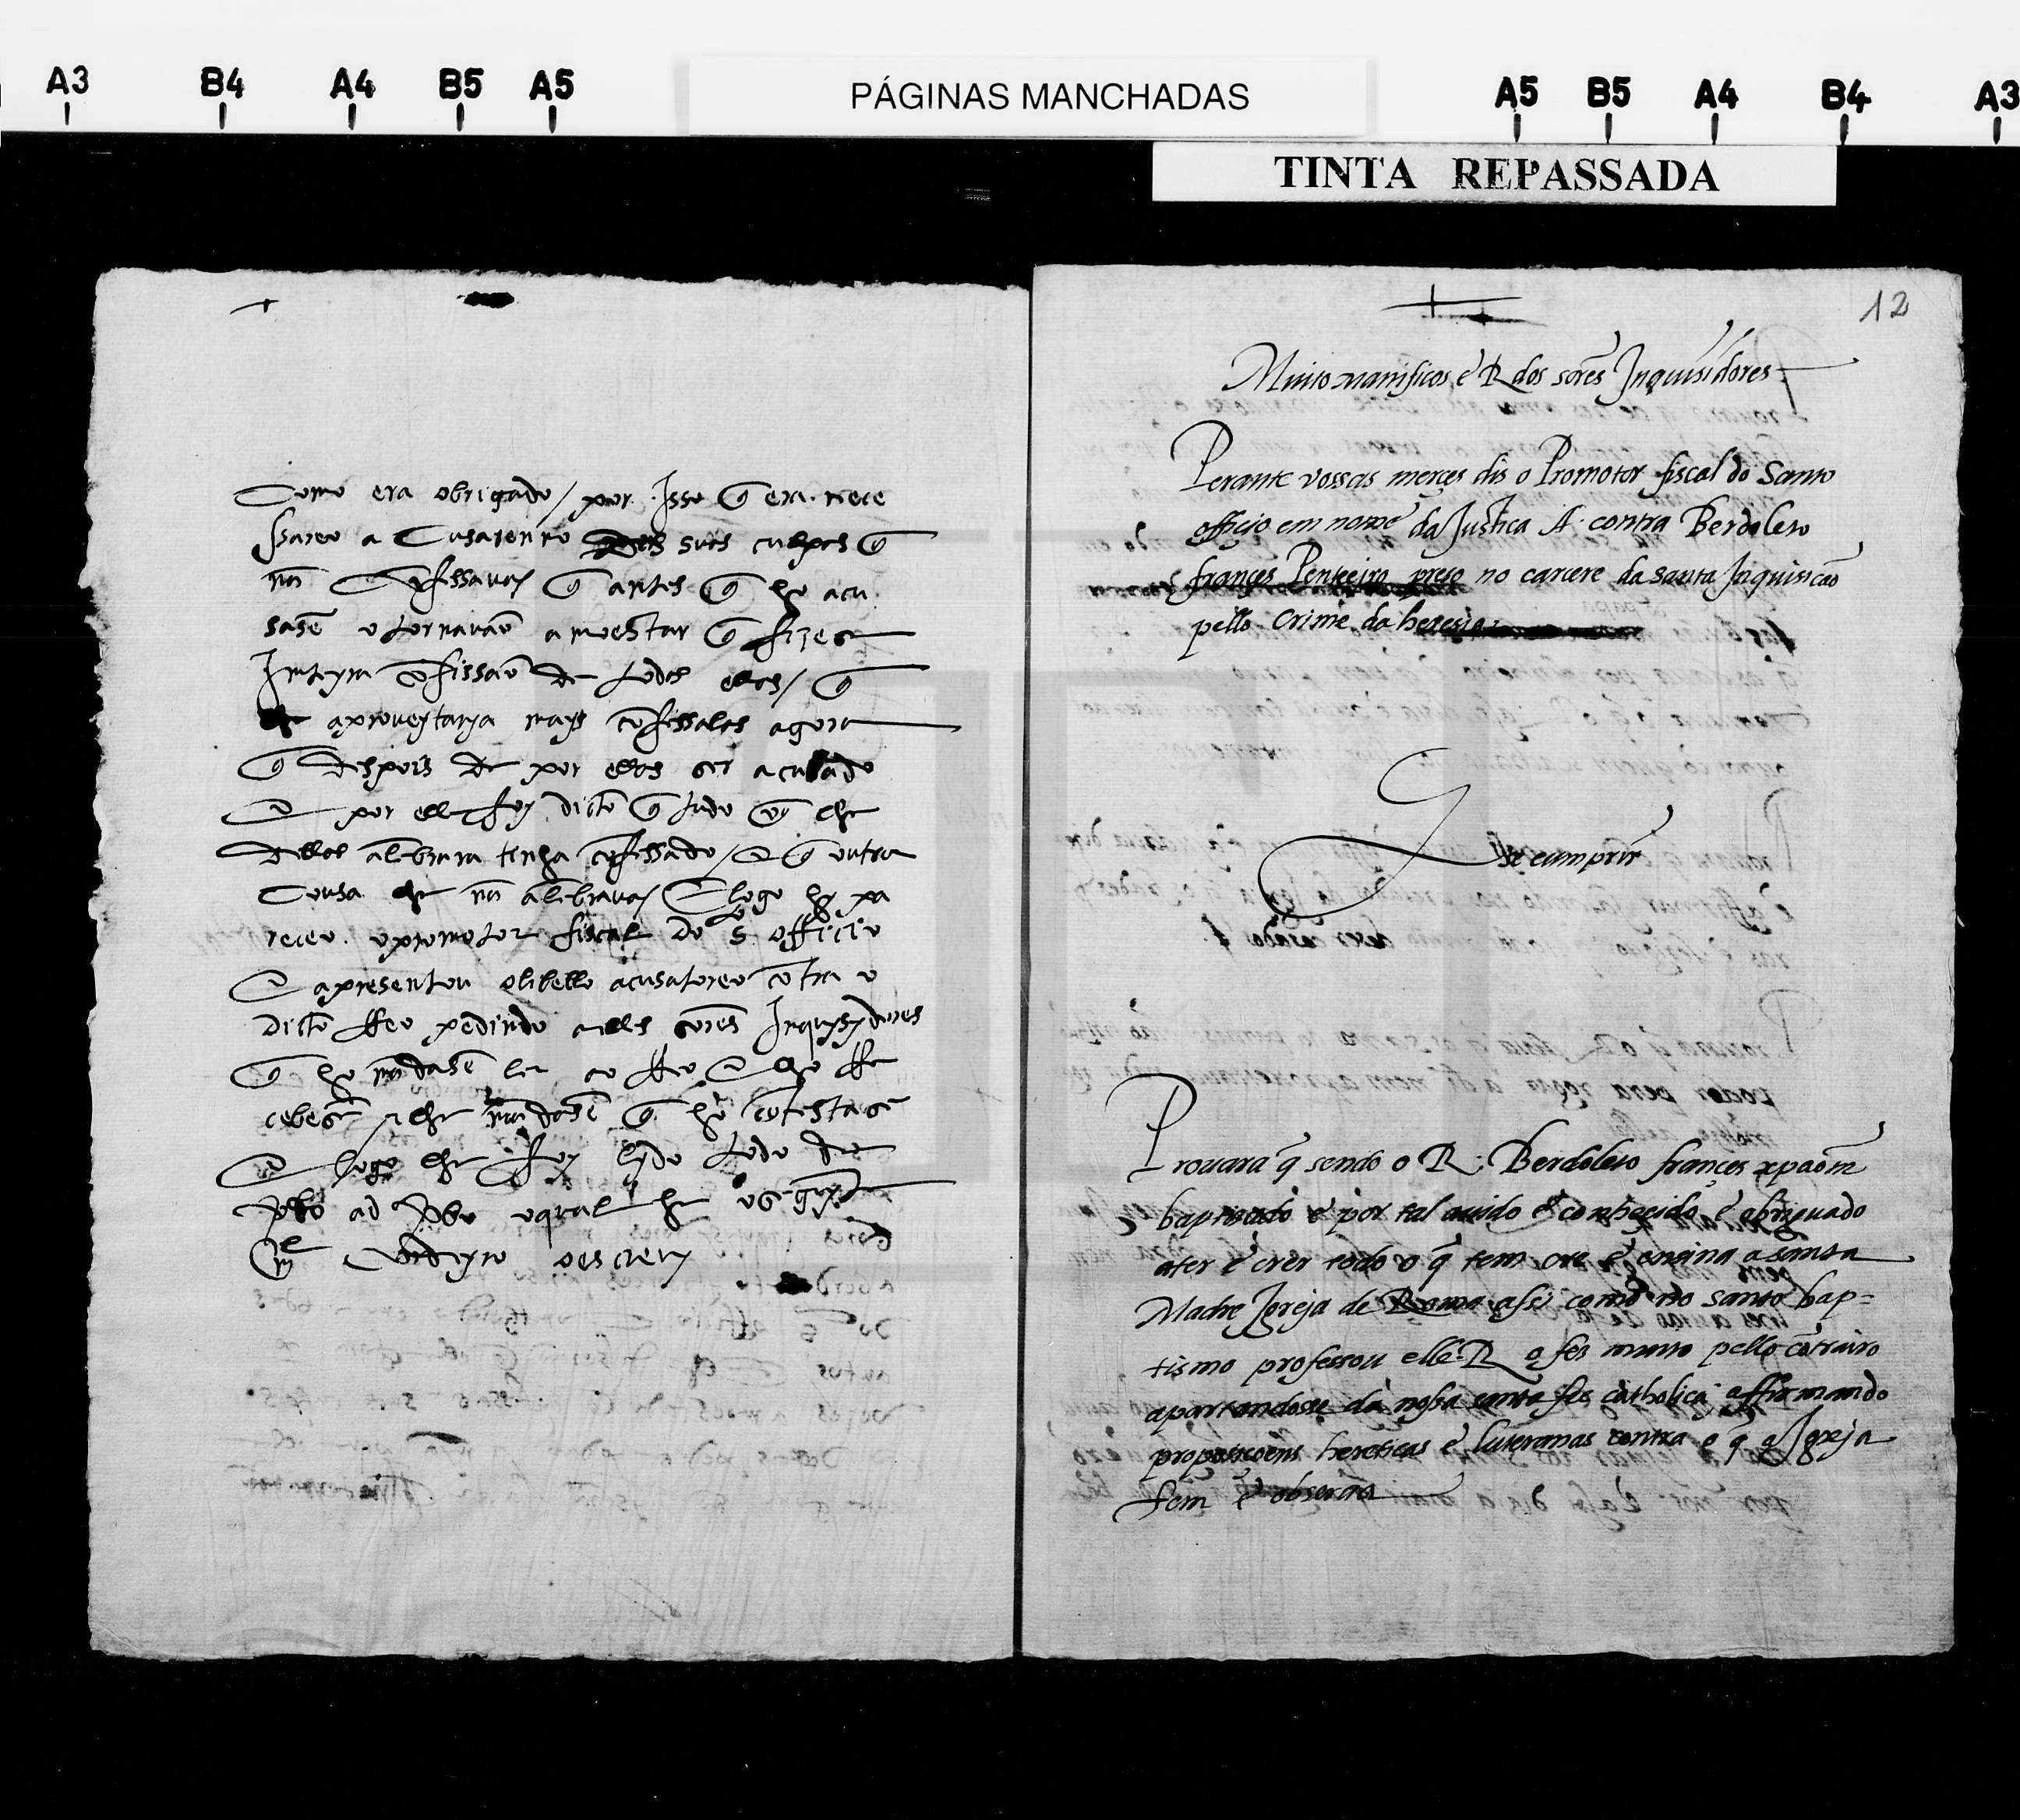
Como era obrigado / por Jsso q̄ era nece
ssareo aCusarenno das suas culpas q̄
nā Cōfessaua / q̄ antes q̄ ho acu
sasē o tornauaõ amoestar q̄ fizese
Jmteyra cōfissaõ de todas ellas / q̄
aproueytarya mays cōfessalas agora
q̄ despois de por ellas ser acu_ado
e por elle foy dictō q̄ tudo o q̄ lhe
dellas alēbrara tinha cōfessado / e q̄ outra
Cousa lhe nā alēbraua / E logo hy pa
receo o promotor fiscal do sto officio
e apresentou o libello acusatoreo cōtra o
dicto Reo pedindo a elles sōres Jnquysydores
q̅ ho mādasē ler ao Reo e lho Re
cebesē e lhe mādasē q̅ ho cōtestase
e logo lhe foy lydo todo do
ꝟbo ad ꝟbo o qual he o seguȳte
mel Cordeyro o escreuj
Muito Manificos e Rdos sorēs Jnquisidores
Perante vossas merces diz o Promotor fiscal do Santo
officio em nome da Justiça A. contra Berdoleto
frances Penteeiro preso no carcere da santa Jnquisiçaõ
pello crime da heresia
E se cumprir
Prouara q̅ sendo o R. Berdoleto frances xpaõm
baptizado e por tal auido e conhecido e obriguado
a ter e crer todo o q̄ tem cre e ensina a santa
Madre Jgreja de Roma assi como no santo bap
tismo professou elle .R o fez muito pello cōtrairo
apartandosse da nossa santa fee catholica affirmando
proposiçoens hereticas e luteranas contra o q̄ a Jgreja
tem e obserua
